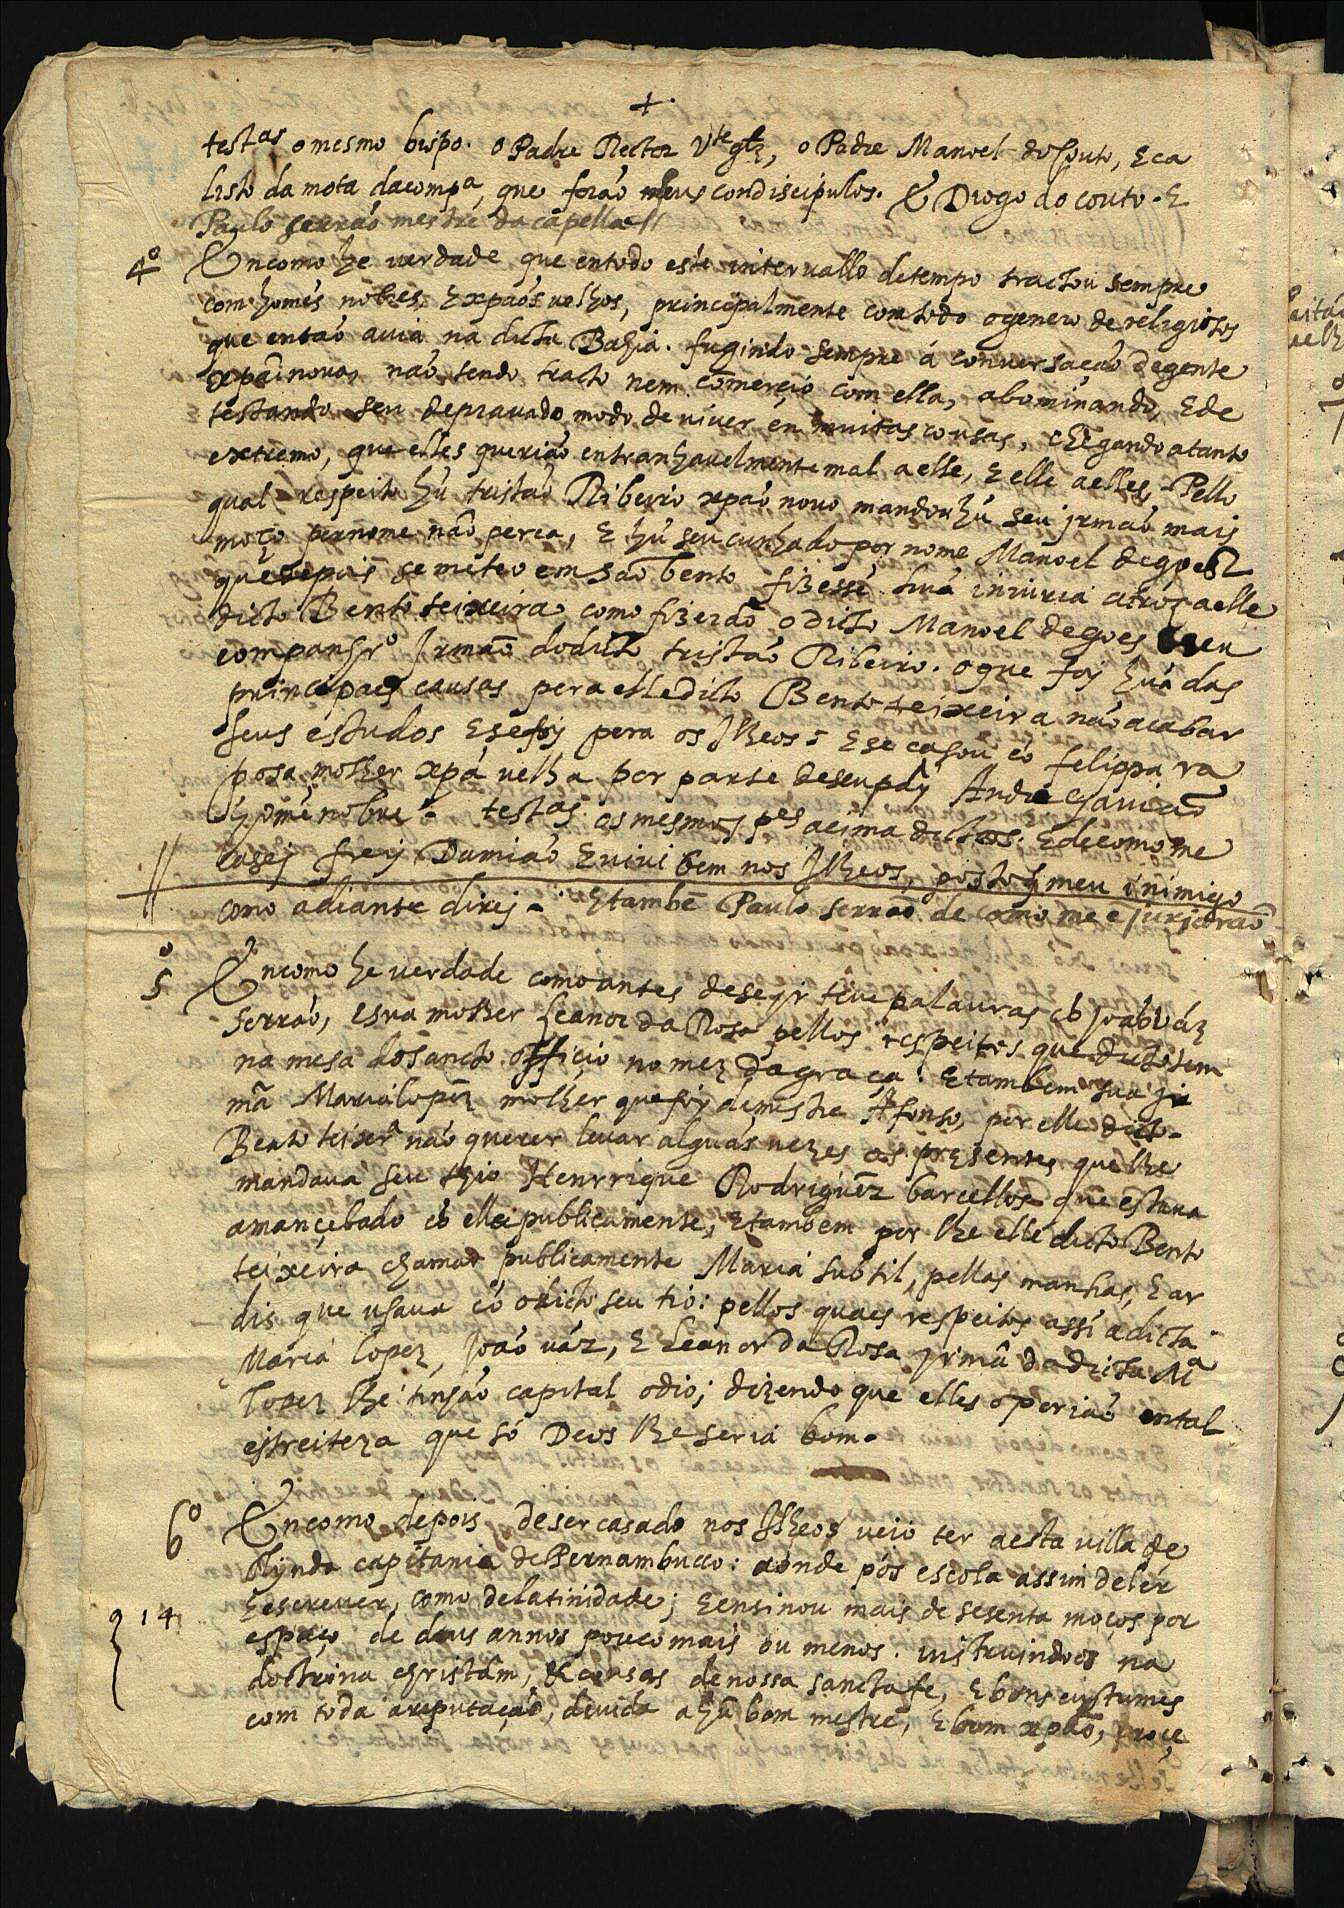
testas o mesmo bispo. O Padre Rector Vte gl̄z, o Padre Manoel do Couto, E ca
listo da mota da compa, que foraõ meus condiscipulos. & Diogo do couto. E
Paulo serraõ mestre da capella//
En como he uerdade que en todo este interuallo de tempo tractou sempre
com homēs nobres E xpaõs uelhos, principalmente com todo o género de religiosos
que entaõ auia na dicta Bahia . fugindo sempre á conuersaçaõ de gente
xpā noua, naõ tendo tracto nem comerçio com ella, abominando, E de
testanto seu deprauado modo de uiuer en muitas couas, chegando a tanto
extremo, que elle queriaõ entranhauelmente mal a elle, E elle a elles Pello
qual respeito hū tristaõ Ribeio xpaõ nouo mandou hū seu jrmaõ mais
moço per nome naõ perca, E hū seu cunhado por nome Manoel de goes
que depois se meteo em saõ bento fizessē huā iniuria atróz a elle
dito Bento teixeira como fizeraõ o dicto Manoel de Goes e seu
companhro Jrmaõ do dicto tristaõ Ribeiro. o que foy huā das
principaes causas pera elle dicto Bento teixeira a naõ acabar
seus estudos E se foy pera os Jlheos : E se casou cō felippa ra
posa molher xpā uelha por parte de seu paŷ Andr_ Gauiaõ
homē nobre : testas. os mesmo pes acima dictos. E de como me
casej frey Damiaõ E uiui bem nos Jlheos, posto q̄ meu inimigo
como adiante direj - E tambē Paulo serrão de como me ējuriaraõ
&n como he uerdade como antes de se ir teue palauras cō joaõ Vaz̄
Serraõ, e sua molher Leanor da Rosa pellos respeitos que dicto tem
na mesa do sancto offiçio no mez da graça : E tambem sua jr
mã Maria lopēz molher que foy de mestre Afonso, por elle dicto -
Bento teixra naõ querer leuar alguās uezes os prEsentes que lhe
mandaua seu thio Henrrique Rodriguēz barcellos que estaua
amançebado cō ella publicamente, E tambem por lhe elle dicto Bento
teixeira chamar publicamente Maria Subtil, pellas manhas, E ar
dis que usaua cō o dicto seu tio : pellos quaes respeitos assī a dicta
Maria lopez, Joaõ uāz, E Leanor da Rosa jrmā da dicta Ma
lopez lhe tinhaõ capital odio; dizendo que elles o poriaõ en tal
estreiteza que só Deos lhe seria bom.
En como depois de ser casado nos Jlheos ueio ter a esta uilla de
Olynda capitania de Pernambucco : aonde pós escola assim de ler
E escreuer como de latinidade; E ensinou mais de sesenta moços por
espaço de dous annos pouco mais ou menos . instruindoos na
doctrina christām, & cousas de nossa sancta fe, E bons custumes
com toda a reputaçaõ, deuida a hū bom mestre, E bom xpaõ, proçe
